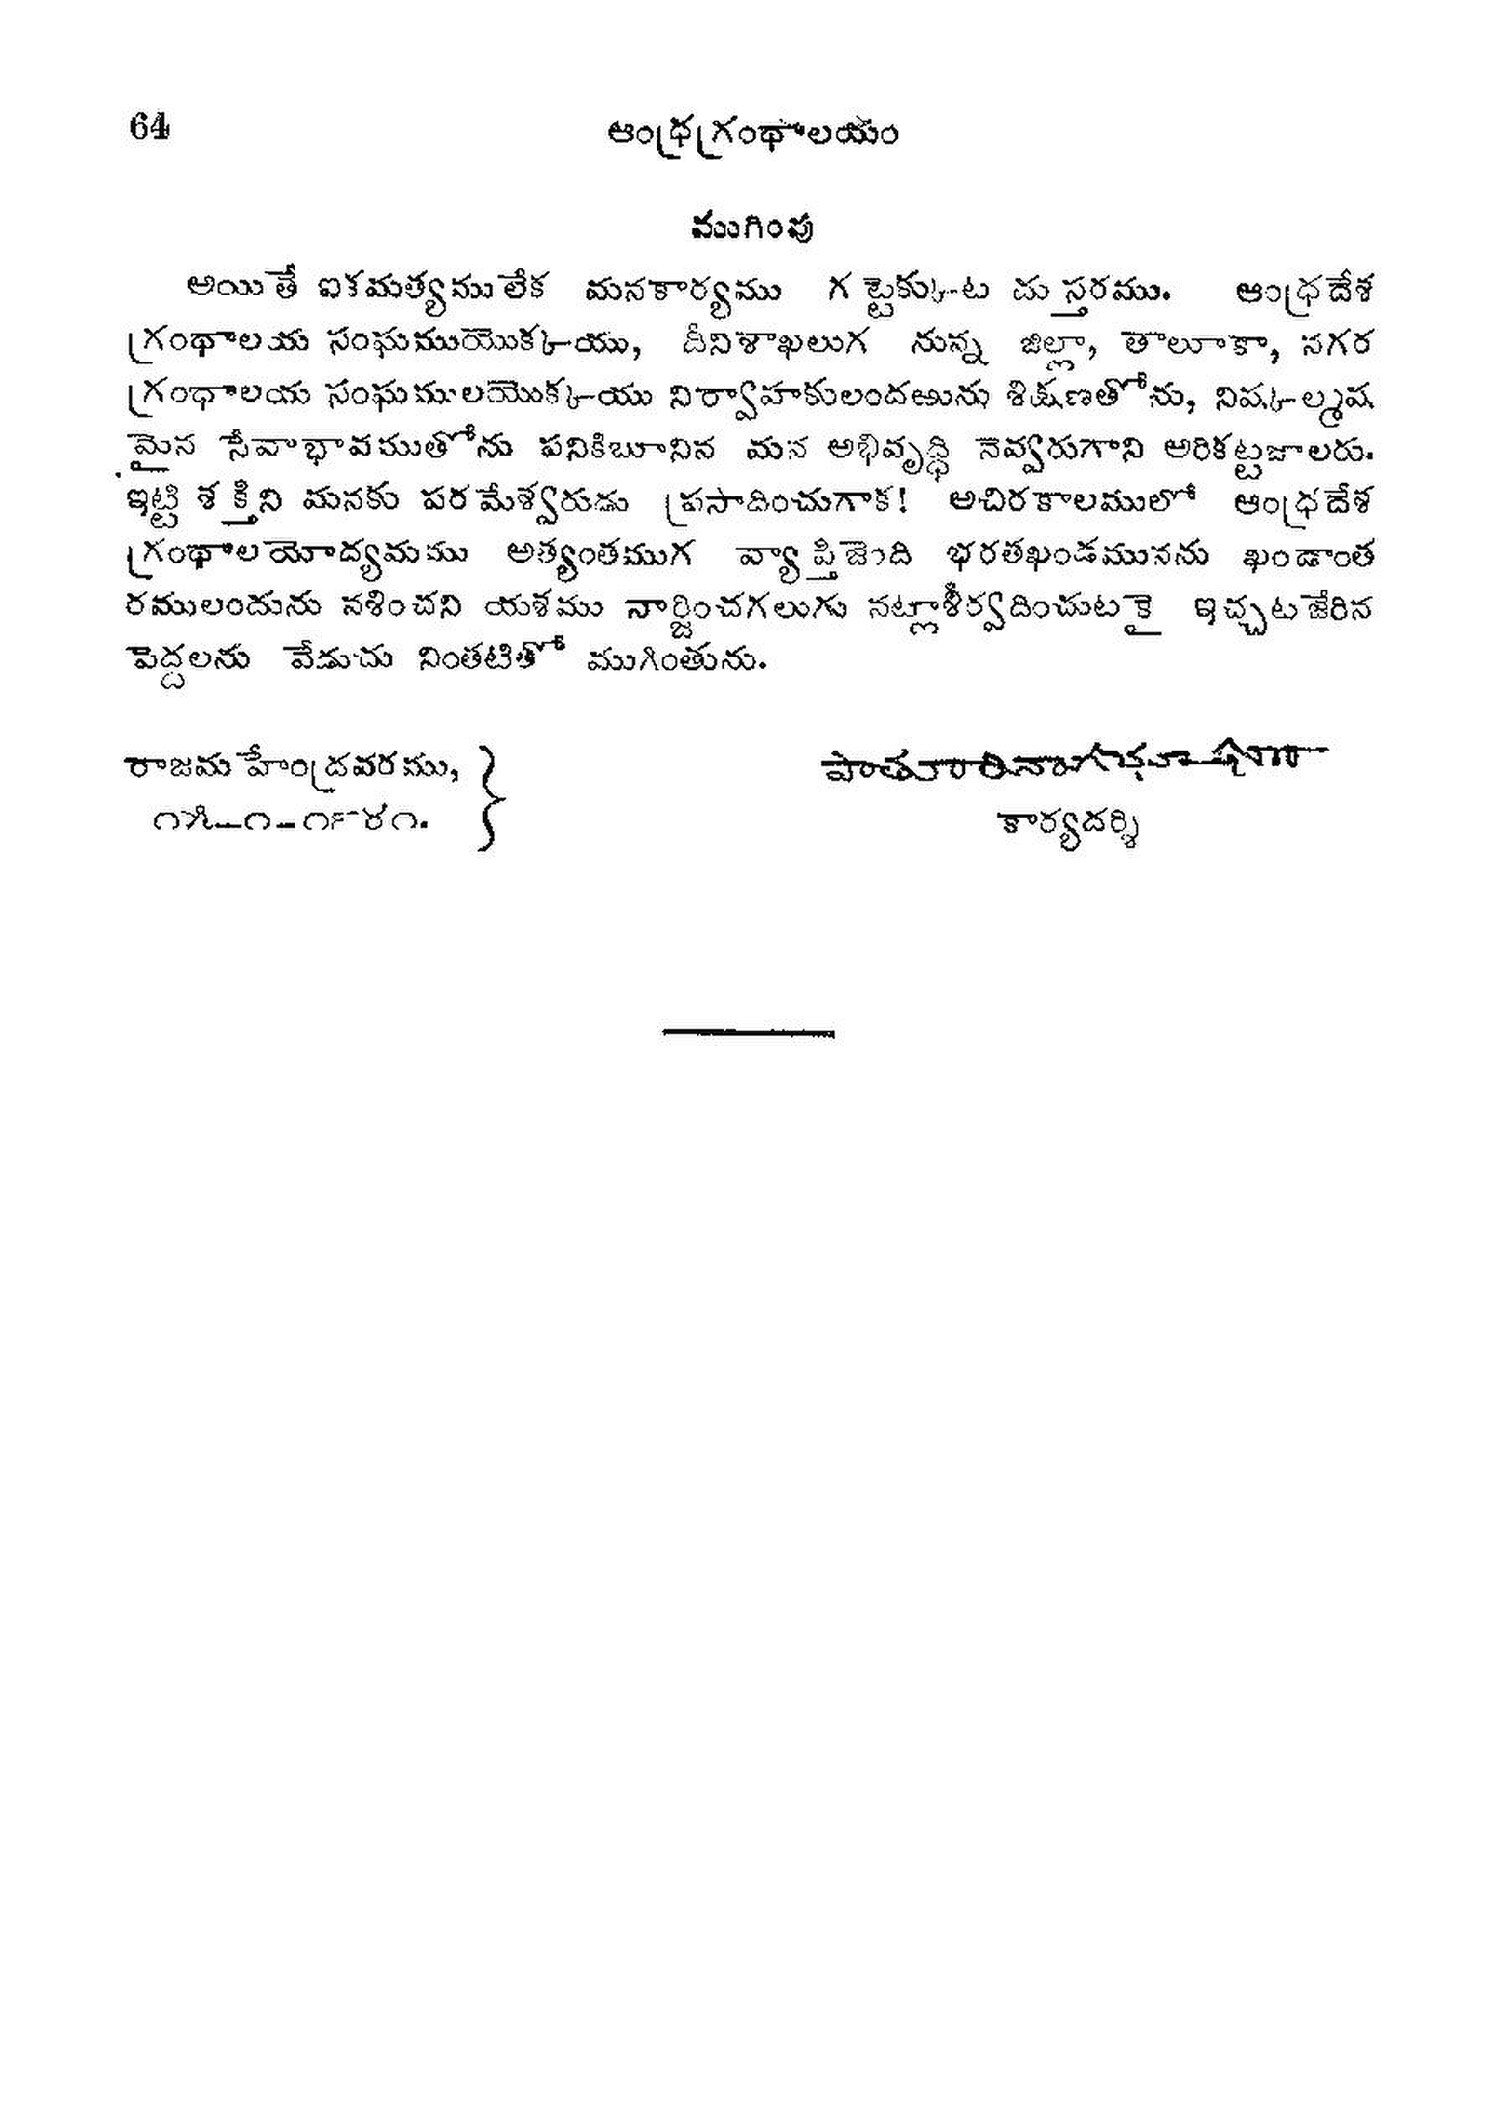ముగింపు
అయితే ఐకమత్యము లేక మనకార్యము గట్టెక్కుట దుస్తరము.
ఆంధ్రదేశ
గ్రంథాలయ సంఘముయొక్కయు, దీనిశాఖలుగ నున్న జిల్లా, తాలూకా, నగర
గ్రంధాలయ సంఘములయొక్కయు నిర్వాహకులందఱును శిక్షణతోను, నిష్కల్మష
మైన సేవాభావముతోను పనికిబూసిన మన అభివృద్ధి నెవ్వరుగాని అరికట్టజాలరు.
ఇట్టి శక్తిని మనకు పరమేశ్వరుడు ప్రసాదించుగాక! అచిరకాలములో ఆంధ్రదేశ
గ్రంథాలయోద్యమము అత్యంతముగ వ్యాప్తిచెంది భరతఖండమునను ఖండాంత
రములందును నశించని యశము నార్జించగలుగు నట్లశీర్వదించుటకై ఇచ్చట జేరిన
పెద్దలను వేడుచు నింతటితో ముగింతును.

రాజమహేంద్రవరము, 
0-0-0-80.